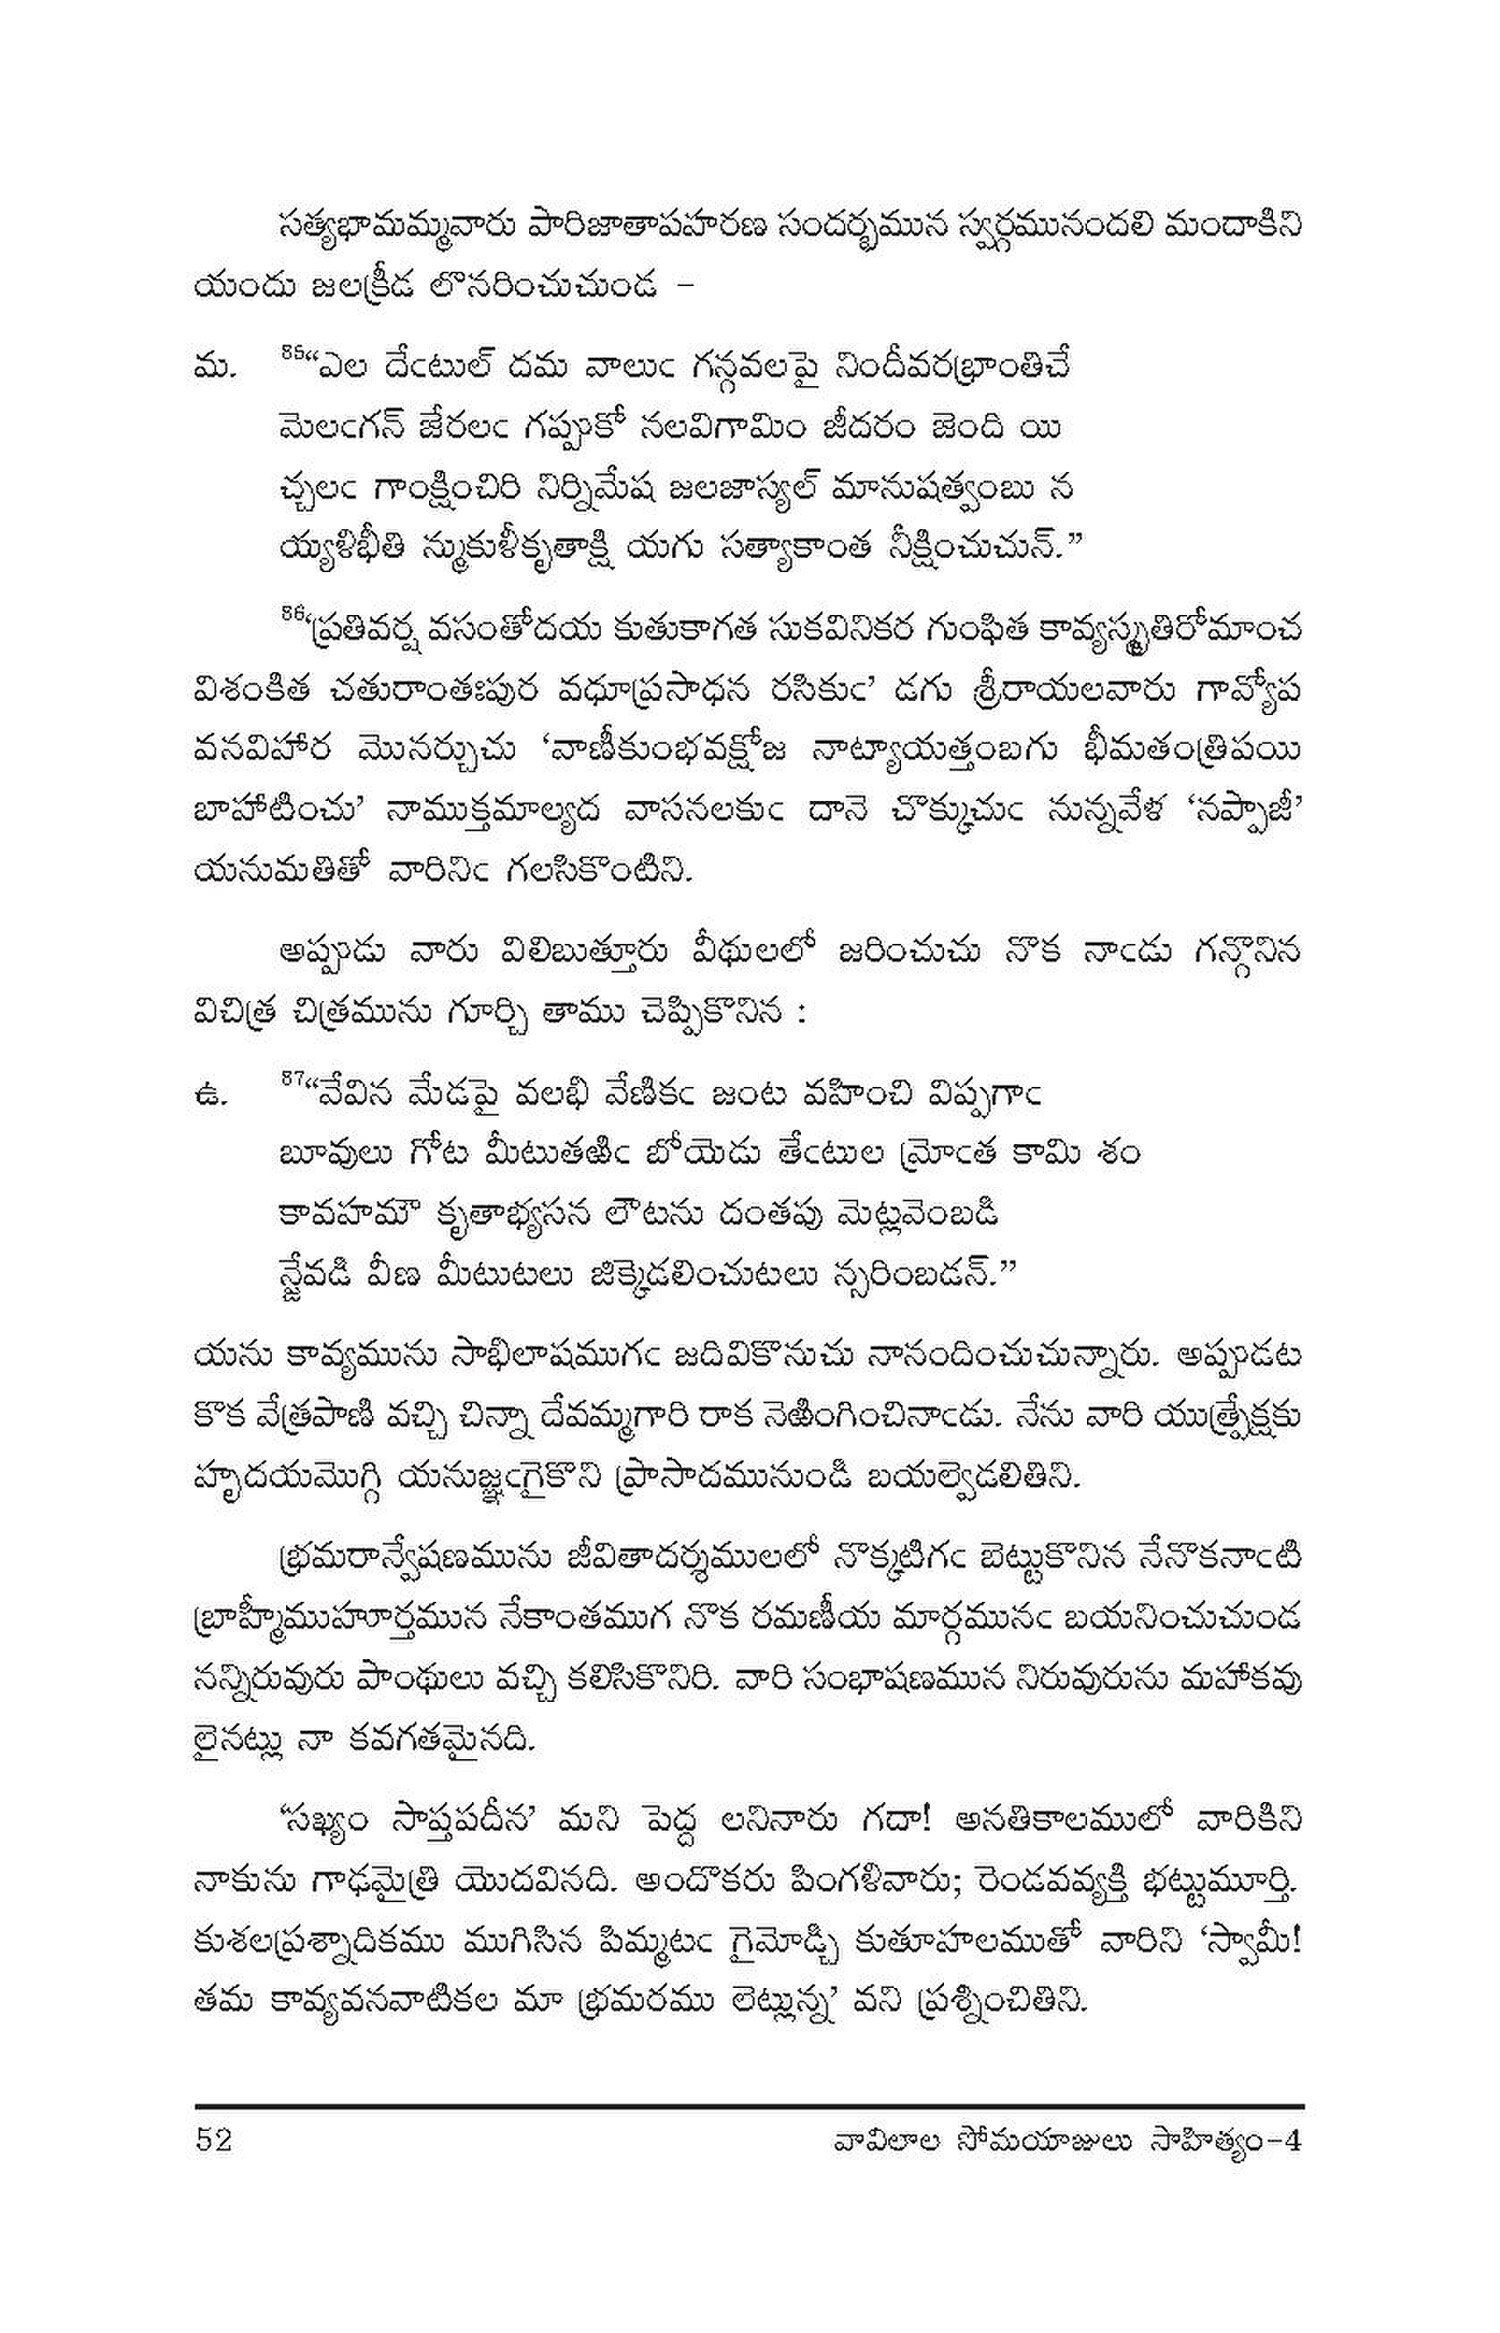సత్యభామమ్మవారు పారిజాతాపహరణ సందర్భమున స్వర్గమునందలి మందాకిని
యందు జలక్రీడ లొనరించుచుండ -

మ. ఎల దేఁటుల్ దమ వాలుఁ గన్గవలపై నిందీవరభ్రాంతిచే
 మెలఁగన్ జేరలఁ గప్పుకో నలవిగామిం జీదరం జెంది యి
 చ్చలఁ గాంక్షించిరి నిర్నిమేష జలజాస్యల్ మానుషత్వంబు న
 య్యళిభీతి న్ముకుళీకృతాక్షి యగు సత్యాకాంత నీక్షించుచున్.”

ప్రతివర్ష వసంతోదయ కుతుకాగత సుకవినికర గుంఫిత కావ్యస్మృతిరోమాంచ
విశంకిత చతురాంతఃపుర వధూప్రసాధన రసికుఁ' డగు శ్రీరాయలవారు గావ్యోప
వనవిహార మొనర్చుచు 'వాణీకుంభవక్షోజ నాట్యాయత్తంబగు భీమతంత్రిపయి
బాహాటించు' నాముక్తమాల్యద వాసనలకుఁ దానె చొక్కుచుఁ నున్నవేళ 'నప్పాజీ’
యనుమతితో వారినిఁ గలసికొంటిని.

అప్పుడు వారు విలిబుత్తూరు వీధులలో జరించుచు నొక నాఁడు గన్గొనిన 
విచిత్ర చిత్రమును గూర్చి తాము చెప్పికొనిన :

ఉ. "వేవిన మేడపై వలభి వేణికఁ జంట వహించి విప్పగాఁ
 బూవులు గోట మీటుతఱిఁ బోయెడు తేఁటుల మ్రోఁత కామి శం
 కావహమౌ కృతాభ్యసన లౌటను దంతపు మెట్లవెంబడి
 న్జేవడి వీణ మీటుటలు జిక్కెడలించుటలు న్సరింబడన్.”

యను కావ్యమును సాభిలాషముగఁ జదివికొనుచు నానందించుచున్నారు. అప్పుడట
కొక వేత్రపాణి వచ్చి చిన్నా దేవమ్మగారి రాక నెఱింగించినాఁడు. నేను వారి యుత్ప్రేక్షకు
హృదయమొగ్గి యనుజ్ఞఁగైకొని ప్రాసాదమునుండి బయల్వెడలితిని.

భ్రమరాన్వేషణమును జీవితాదర్శములలో నొక్కటిగఁ బెట్టుకొనిన నేనొకనాఁటి
బ్రాహ్మీముహూర్తమున నేకాంతముగ నొక రమణీయ మార్గమునఁ బయనించుచుండ
నన్నిరువురు పాంథులు వచ్చి కలిసికొనిరి. వారి సంభాషణమున నిరువురును మహాకవు
లైనట్లు నా కవగతమైనది.

'సఖ్యం సాప్తపదీన' మని పెద్ద లనినారు గదా! అనతికాలములో వారికిని
నాకును గాఢమైత్రి యొదవినది. అందొకరు పింగళివారు; రెండవవ్యక్తి భట్టుమూర్తి.
కుశలప్రశ్నాదికము ముగిసిన పిమ్మటఁ గైమోడ్చి కుతూహలముతో వారిని 'స్వామీ!
తమ కావ్యవనవాటికల మా భ్రమరము లెట్లున్న' వని ప్రశ్నించితిని.